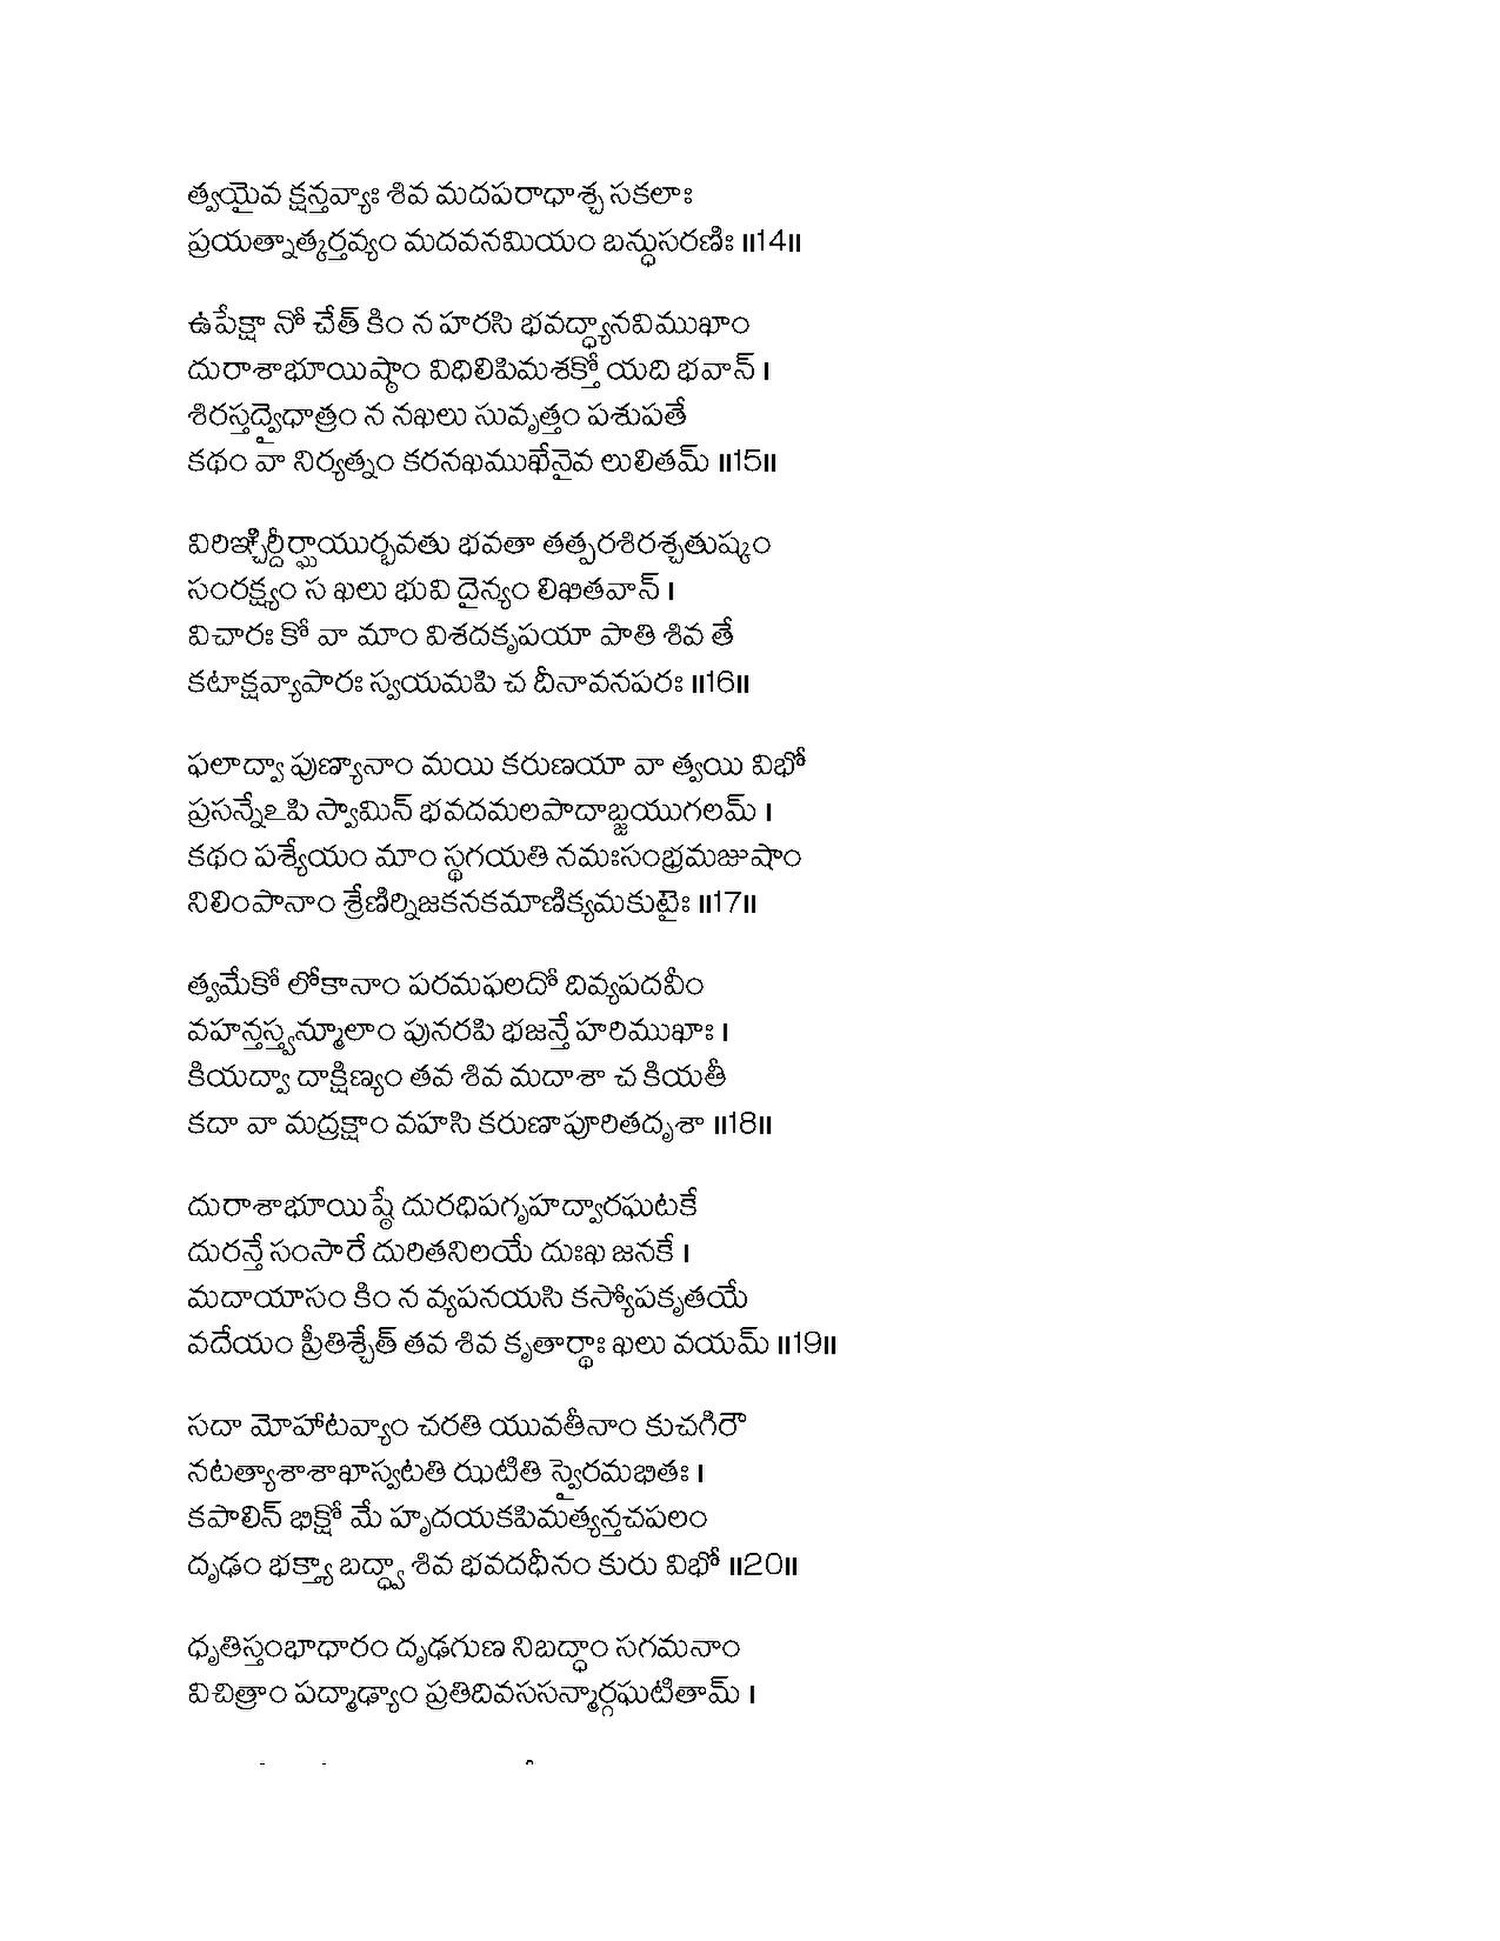త్వయైవ క్షన్తవ్యాః శివ మదపరాధాశ్చసకలాః
ప్రయత్నాత్కర్తవ్యం మదవనమియం బన్దుసరణిః ||14||

ఉపేక్షా నో చేత్ కిం నహరసి భవద్ద్యానవిముఖాం
దురాశాభూయిష్ఠాం విధిలిపిమశక్తోయది భవాన్ |
శిరస్తద్వైధాత్రం న నఖలు సువృత్తం పశుపతే
కథం వా నిర్యత్నం కరనఖముఖేనైవ లులితమ్ ||15||

విరిఞ్చి ర్దీర్ఘాయుర్భవతు భవతా తత్పరశిరశ్చతుష్కం
సంరక్ష్యం స ఖలు భువి దైన్యం లిఖితవాన్ |
విచారః కో వా మాం విశదకృపయా పాతి శివతే
కటాక్షవ్యాపారః స్వయమపి చ దీనావనపరః ||16||

ఫలాద్వాపుణ్యానాం మయి కరుణయా వా త్వయి విభో
ప్రసన్నే౽పి స్వామిన్ భవదమలపాదాబ్దయుగలమ్ |
కథం పశ్యేయం మాం స్థగయతి నమఃసంభ్రమజుషాం
నిలింపానాం శ్రేణిర్నిజకనకమాణిక్యమకుటైః ||17||

త్వమేకో లోకానాం పరమఫలదో దివ్యపదవీం
వహన్తస్త్వన్మూలాం పునరపి భజన్తే హరిముఖాః |
కియద్వా దాక్షిణ్యం తవ శివ మదాశా చ కియతీ
కదా వా మద్రక్షాం వహసి కరుణాపూరితదృశా ||18||

దురాశాభూయిష్ఠే దురధిపగృహద్వారఘటకే
దురన్తే సంసారే దురితనిలయే దుఃఖ జనకే |
మదాయాసం కిం న వ్యపనయసి కస్యోపకృతయే
వదేయం ప్రీతిశ్చేత్ తవ శివ కృతార్థాః ఖలు వయమ్ ||19 ||

సదా మోహాటవ్యాం చరతి యువతీనాం కుచగిరౌ
నటత్యాశాశాఖాస్వటతి ఝటితి స్వైరమభితః |
కపాలిన్ భిక్షో మే హృదయకపిమత్యన్తచపలం
దృఢం భక్త్యా బద్ధ్వా శివ భవదధీనం కురు విభో ||20||

ధృతిస్తంభాధారం దృఢగుణ నిబద్దాం సగమనాం
విచిత్రాం పద్మాఢ్యాం ప్రతిదివససన్మార్గఘటితామ్ |